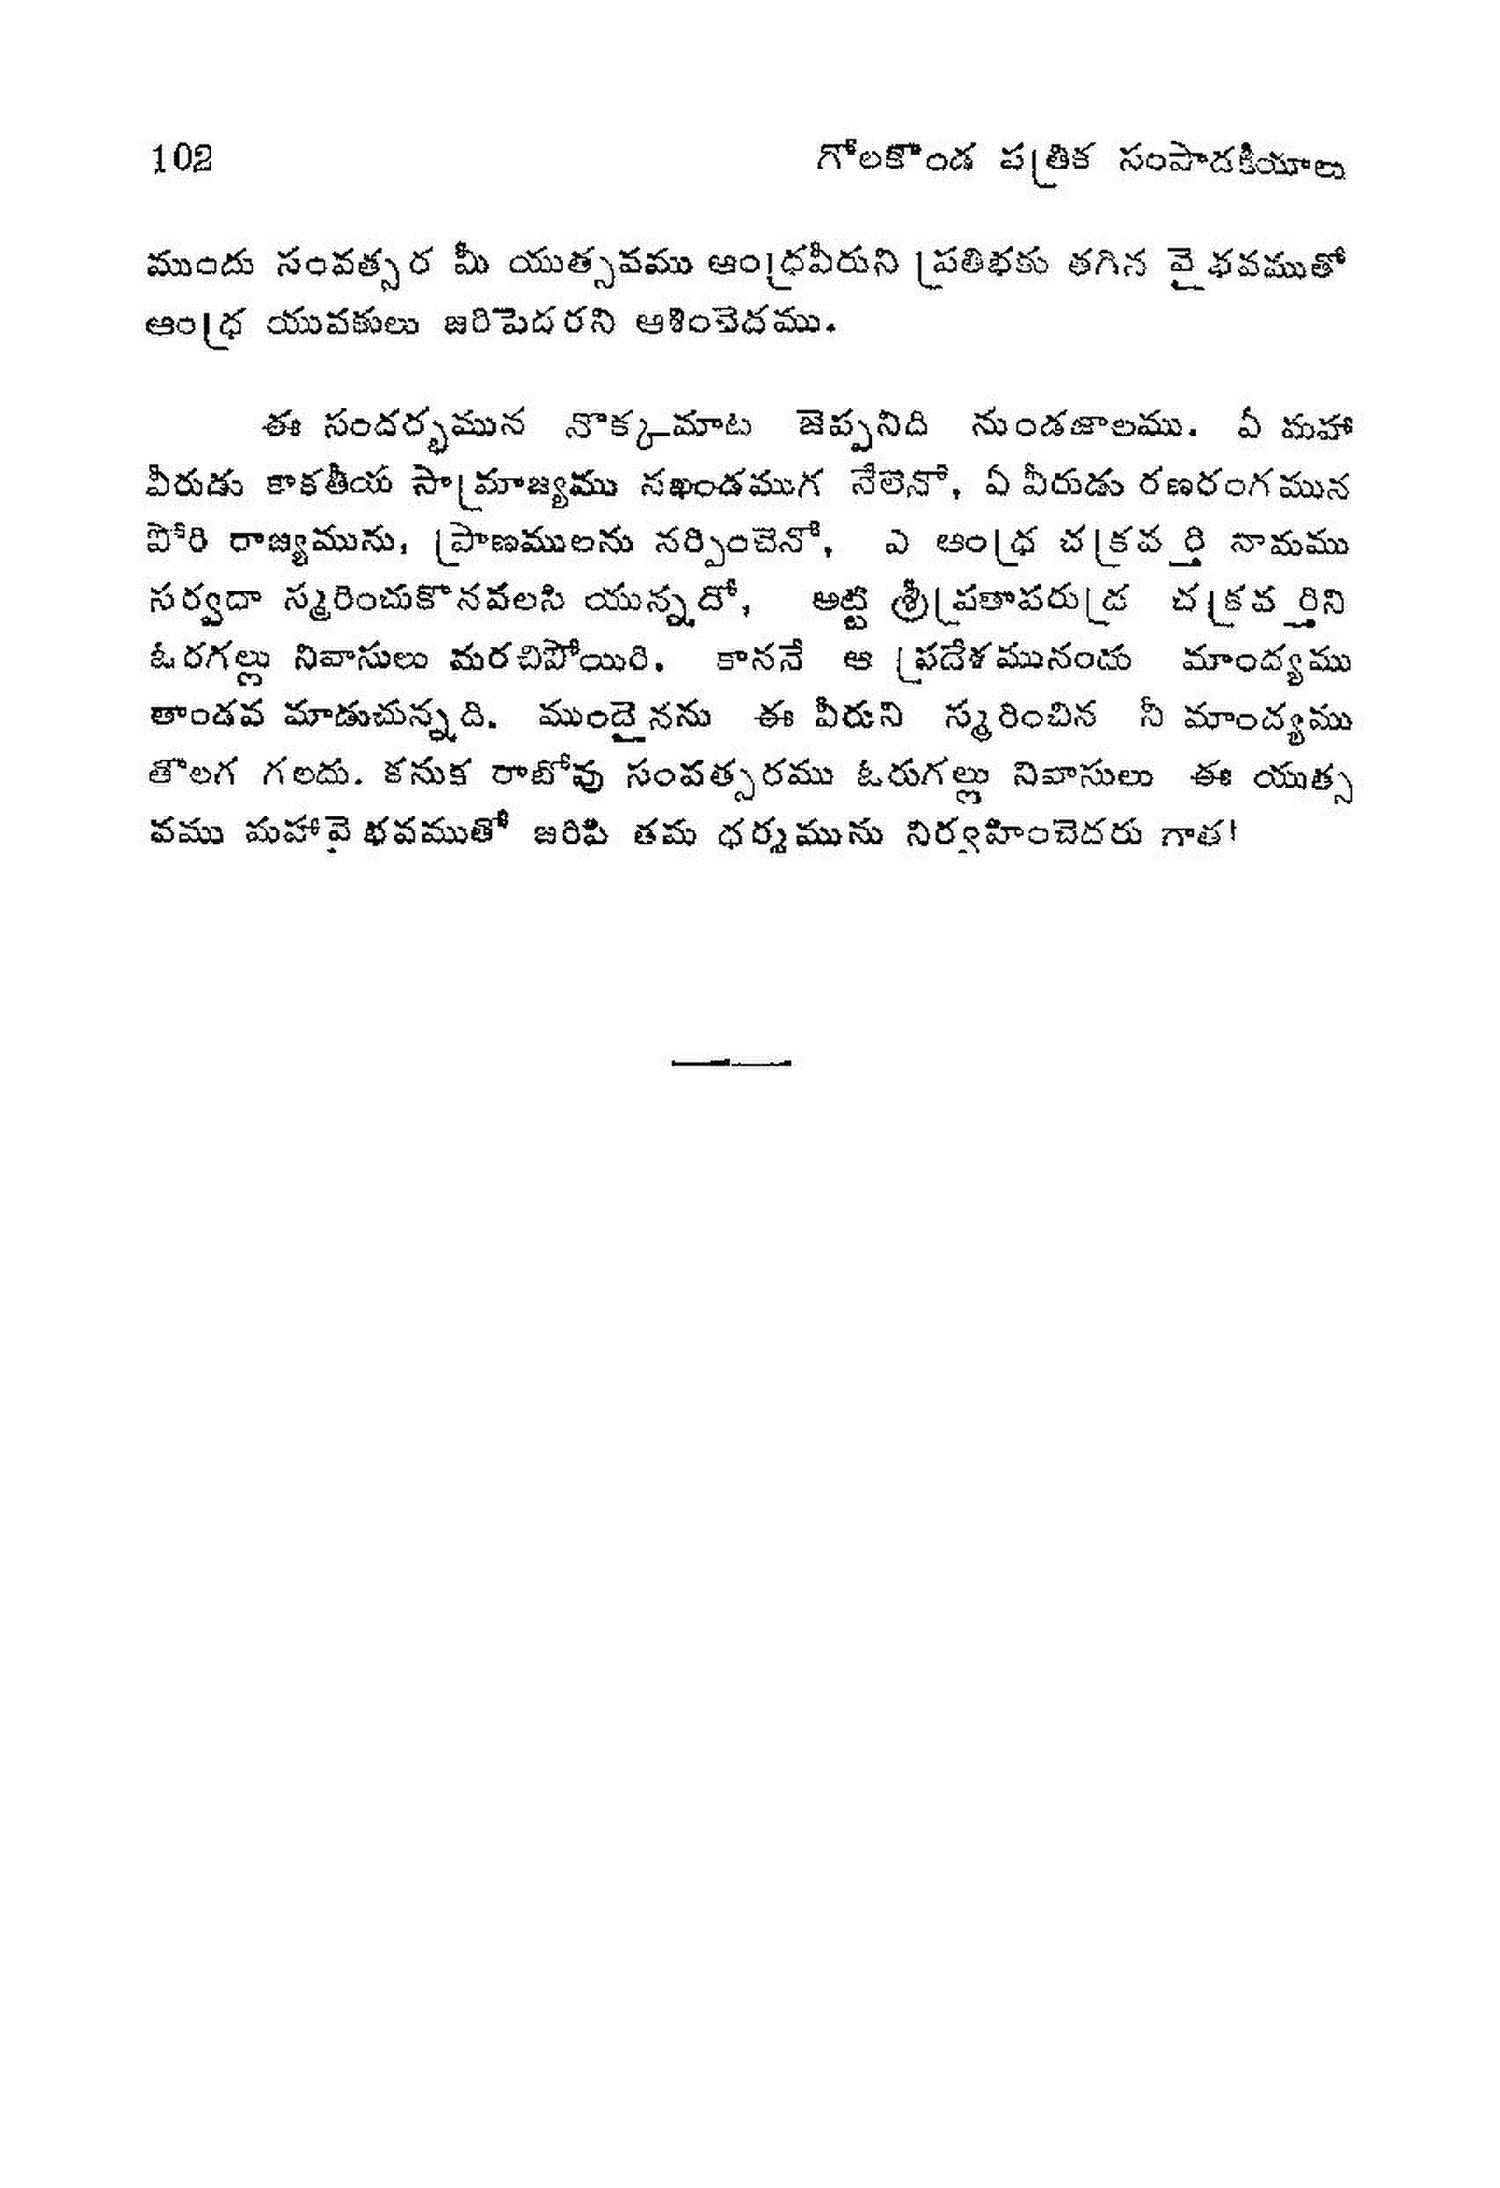ముందు సంవత్సర మీ యుత్సవము ఆంధ్రవీరుని ప్రతిభకు తగిన వైభవముతో ఆంధ్ర యువకులు జరిపెదరని ఆశించెదము.

ఈ సందర్భమున నొక్కమాట జెప్పనిది నుండజాలము. ఏ మహావీరుడు కాకతీయ సామ్రాజ్యము సఖండముగ నేలనో, ఏ వీరుడు రణరంగమున పోరి రాజ్యమును, ప్రాణములను నర్పించెనో, ఎ ఆంధ్ర చక్రవర్తి నామము సర్వదా స్మరించుకొనవలసి యున్నదో, అట్టి శ్రీప్రతాపరుద్ర చక్రవర్తిని ఓరగల్లు నివాసులు మరచిపోయిరి. కాననే ఆ ప్రదేశమునందు మాంద్యము తాండవ మాడుచున్నది. ముందైనను ఈ వీరుని స్మరించిన నీ మాంద్యము తొలగ గలదు. కనుక రాబోవు సంవత్సరము ఓరుగల్లు నివాసులు ఈ యుత్సవము మహావైభవముతో జరిపి తమ ధర్మమును నిర్వహించెదరు గాత!